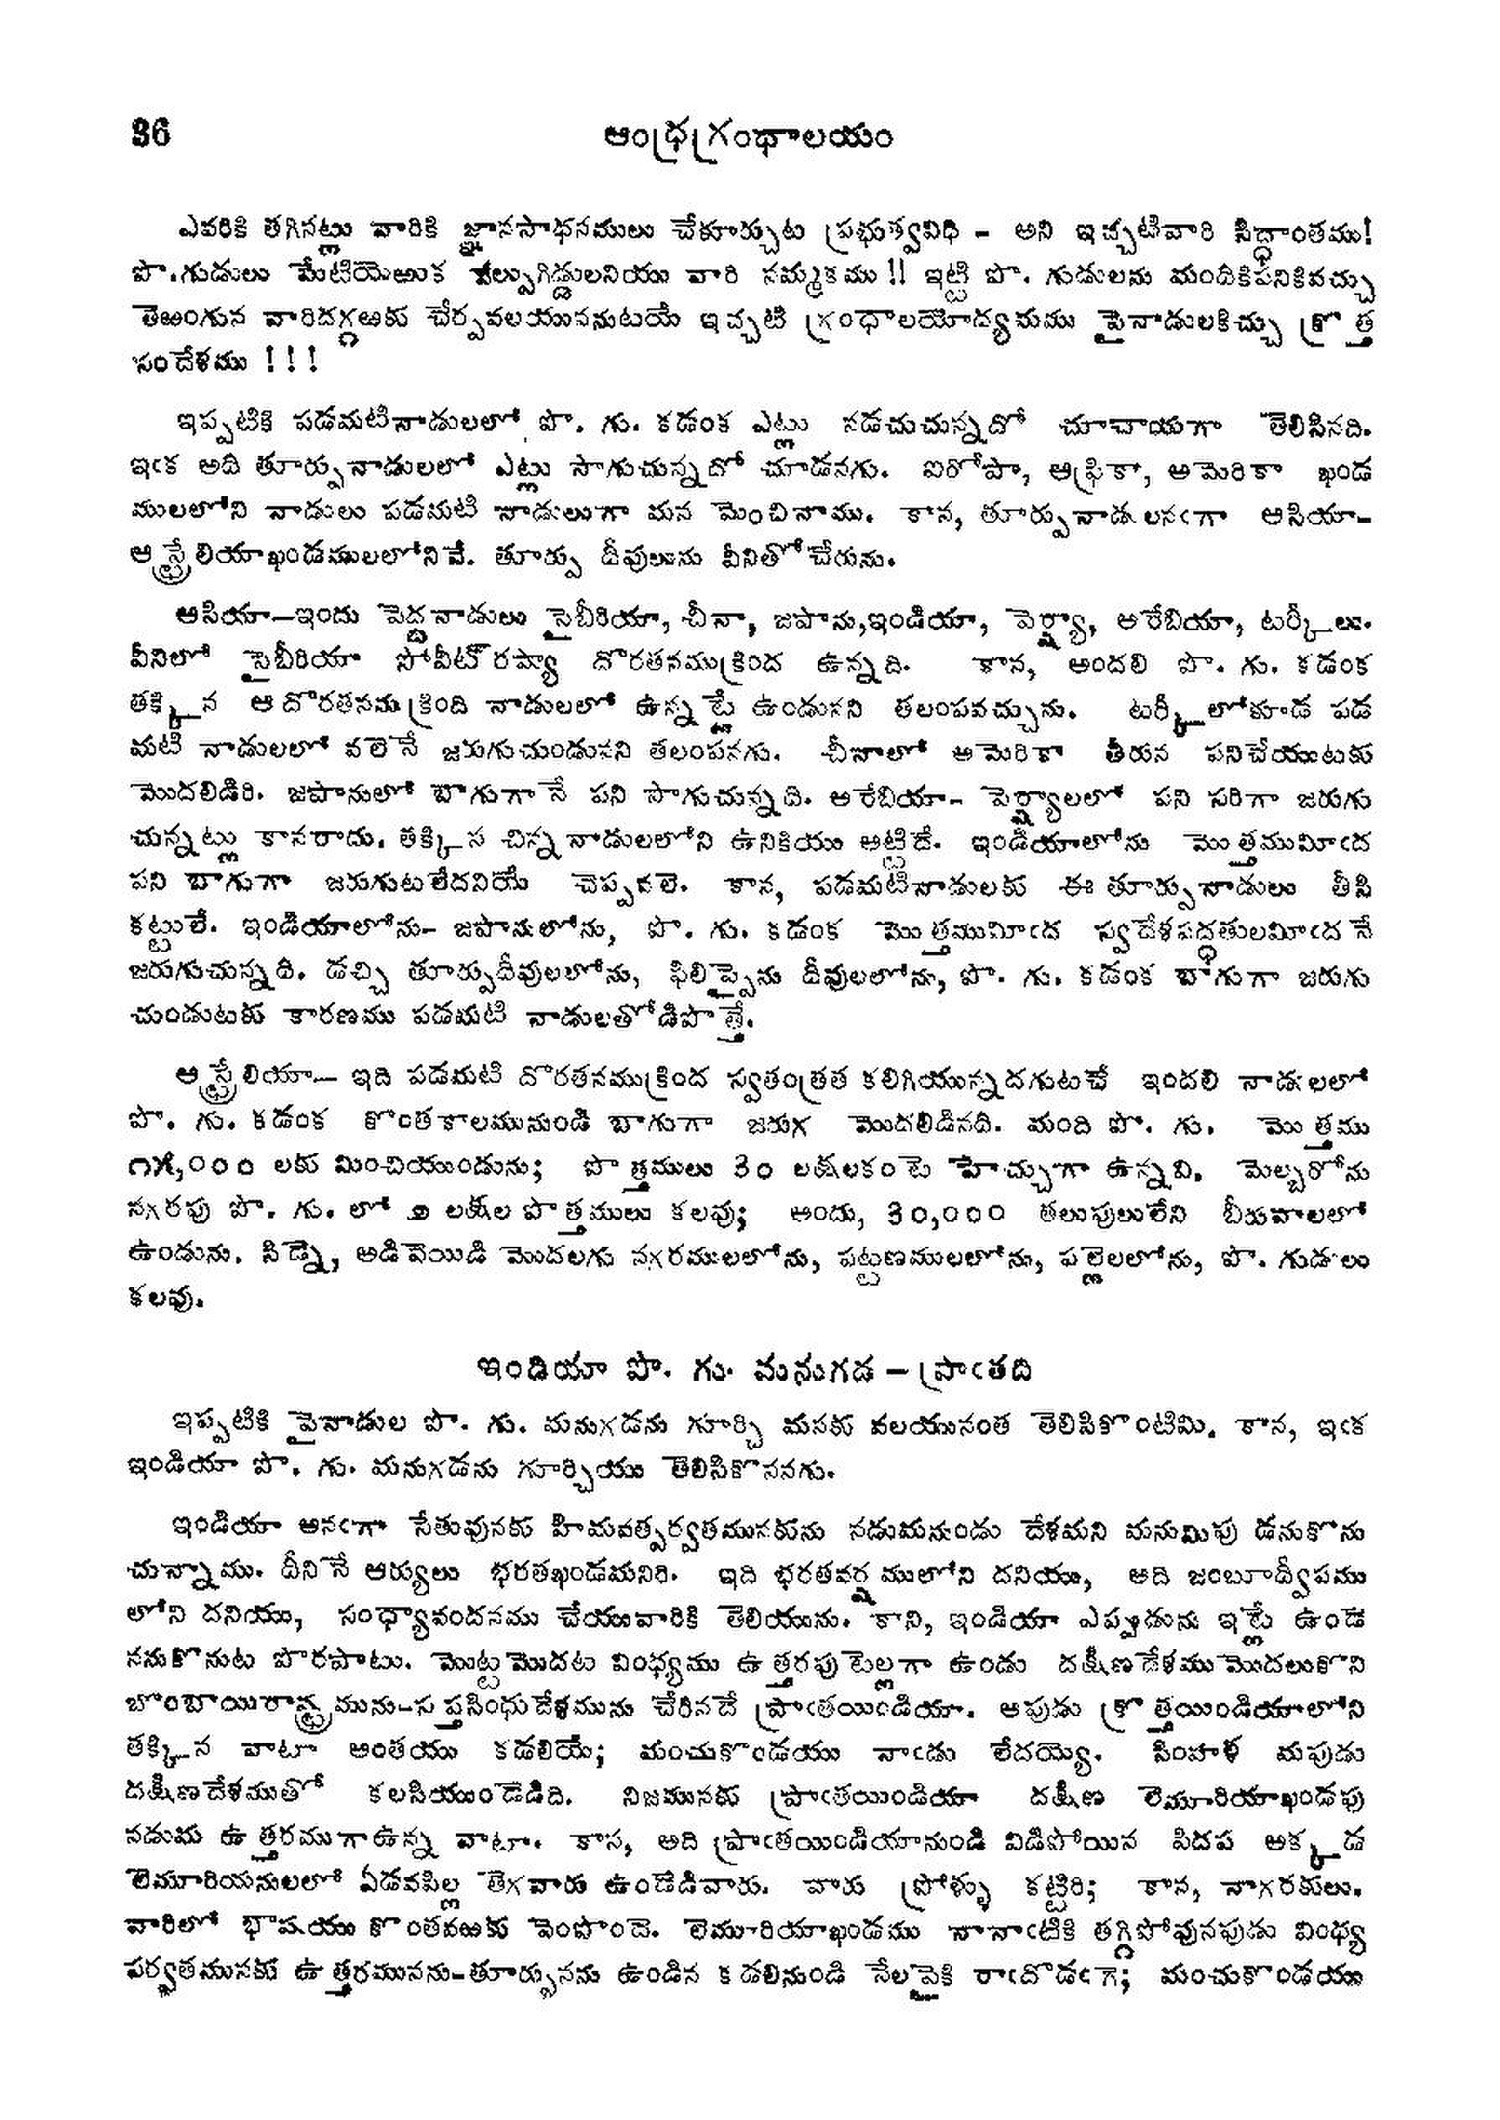ఎవరికి తగినట్లు వారికి జ్ఞానసాధనములు చేకూర్చుట ప్రభుత్వవిధి - అని ఇచ్చటివారి సిద్ధాంతము! పొ.గుడులు 
మేటియెఱుక వేల్పుగిడ్డులనియు వారి నమ్మకము !! ఇట్టి పొ. గుడులను మందికి పనికివచ్చు తెఱంగున వారిదగ్గఱకు చేర్పవలయుననుటయే ఇచ్చటి గ్రంధాలయోద్యమము పైనాడులకిచ్చు క్రొత్త సందేశము !!!

ఇప్పటికి పడమటినాడులలో పొ.గు. కడంక ఎట్లు నడచుచున్నదో చూచాయగా తెలిసినది. ఇఁక అది తూర్పునాడులలో 
ఎట్లు సాగుచున్నదో చూడనగు. ఐరోపా, ఆఫ్రికా, అమెరికా ఖండ ములలోని నాడులు పడమటి నాడులుగా మన 
మెంచినాము. కాన, తూర్పునాడు లనఁగా ఆసియా-ఆస్ట్రేలియా ఖండములలోనివే. తూర్పు దీవులును వీనితో చేరును.

ఆసియా — ఇందు పెద్దనాడులు సైబీరియా, చీనా, జపాను, ఇండియా, పెర్ష్య, అరేబియా, టర్కీలు. వీనిలో సైబీరియా 
సోవీట్ రష్యా దొరతనము క్రింద ఉన్నది. కాన, అందలి పొ.గు.కడంక తక్కిన ఆదొరతనము క్రింది నాడులలో ఉన్నట్లే 
ఉండునని తలంపవచ్చును. టర్కీలోకూడ పడమటి నాడులలో వలెనే జరుగుచుండునని తలంపనగు. చీనాలో ఆమెరికా 
తీరున పనిచేయుటకు మొదలిడిరి. జపానులో బాగుగానే పని సాగుచున్నది. అరేబియా-పెర్యాలలో పని సరిగా జరుగు
చున్నట్లు కానరాదు. తక్కిన చిన్న నాడులలోని ఉనికియు అట్టిదే. ఇండియాలోను మొత్తముమీఁద పని బాగుగా 
జరుగుటలేదనియే చెప్పవలె. కాన, పడమటినాడులకు ఈ తూర్పునాడులు తీసి కట్టులే. ఇండియాలోను-జపానులోను, 
పొ.గు.కడంక మొత్తముమీఁద స్వదేశపద్ధతులమీఁదనే జరుగుచున్నది. డచ్చి తూర్పుదీవులలోను, ఫిలిప్పైను దీవులలోనూ, 
పొ.గు.కడంక బాగుగా జరుగు చుండుటకు కారణము పడమటి వాదులతోడిపొత్తే.

ఆస్ట్రేలియా - ఇది పడమటి దొరతనముక్రింద స్వతంత్రత కలిగియున్నదగుటచే ఇందలి నాడులలో పొ.గు.కడంక 
కొంతకాలమునుండి బాగుగా జరుగ మొదలిడినది. మంది పొ.గు. మొత్తము ౧౫,౦౦౦ లకు మించియుండును; 
పొత్తములు ౩౦ లక్షలకంటే హెచ్చుగా ఉన్నవి, మెల్బరోను నగరపు పొ.గు. లో ౨ లక్షల పొత్తములు కలవు; అందు, 
౩౦,౦౦౦ తలుపులులేని బీరువాలలో ఉండును, సిడ్నీ, అడివెయిడి మొదలగు నగరములలోను, పట్టణములలోను, 
పల్లెలలోను, పొ.గుడులు కలవు.

ఇప్పటికి పైనాడుల పొ.గు. మనుగడను గూర్చి మసకు వలయునంత తెలిసికొంటిమి. కాన, ఇఁక ఇండియా పొ.గు.
మనుగడను గూర్చియు తెలిసికొననగు.

ఇండియా అనఁగా సేతువునకు హిమవత్పర్వతమునకును నడుమనుండు దేశమని మనుమిపు డనుకొను చున్నాము. దీనినే 
ఆర్యులు భరతఖండమనిరి. ఇది భరతవర్షములోనిదనియు, అది జంబూద్వీపములోనిదనియు, సంధ్యావందనము 
చేయువారికి తెలియును. కాని, ఇండియా ఎప్పుడును ఇట్లే ఉండెననుకొనుట పొరపాటు. మొట్టమొదట వింధ్యము 
ఉత్తరపుటెల్లగా ఉండు దక్షిణదేశము మొదలుకొని బొంబాయిరాష్ట్రమును-సప్తసింధుదేశమును చేరినదే ప్రాఁతయిండియా. 
ఆపుడు క్రొత్తయిండియాలోని తక్కిన వాటా అంతయు కడలియే; మంచుకొండయు నాఁడు లేదయ్యె. సింహళ మపుడు
దక్షిణదేశముతో కలసియుండెడిది. నిజమునకు ప్రాతయిండియా దక్షిణమూరియా ఖండపునడుమ ఉత్తరము గా ఉన్న వాటా. 
కాన, అది ప్రాఁతయిండియానుండి విడిపోయిన పిదప అక్కడ లెమూరియనులలో ఏడవపిల్ల తెగవారు ఉండేడివారు. వారు 
ప్రోళ్ళు కట్టిరి; కాన, నాగరకులు. వారిలో భాషయు కొంతవఱకు వెంపొందె. లెమురియాఖండము నానాఁటికి తగ్గిపోవునపుడు 
వింధ్యపర్వతమునకు ఉత్తరమునను-తూర్పునను ఉండిన కడలినుండి నేలపైకి రాఁదొడఁగె; మంచుకొండయు